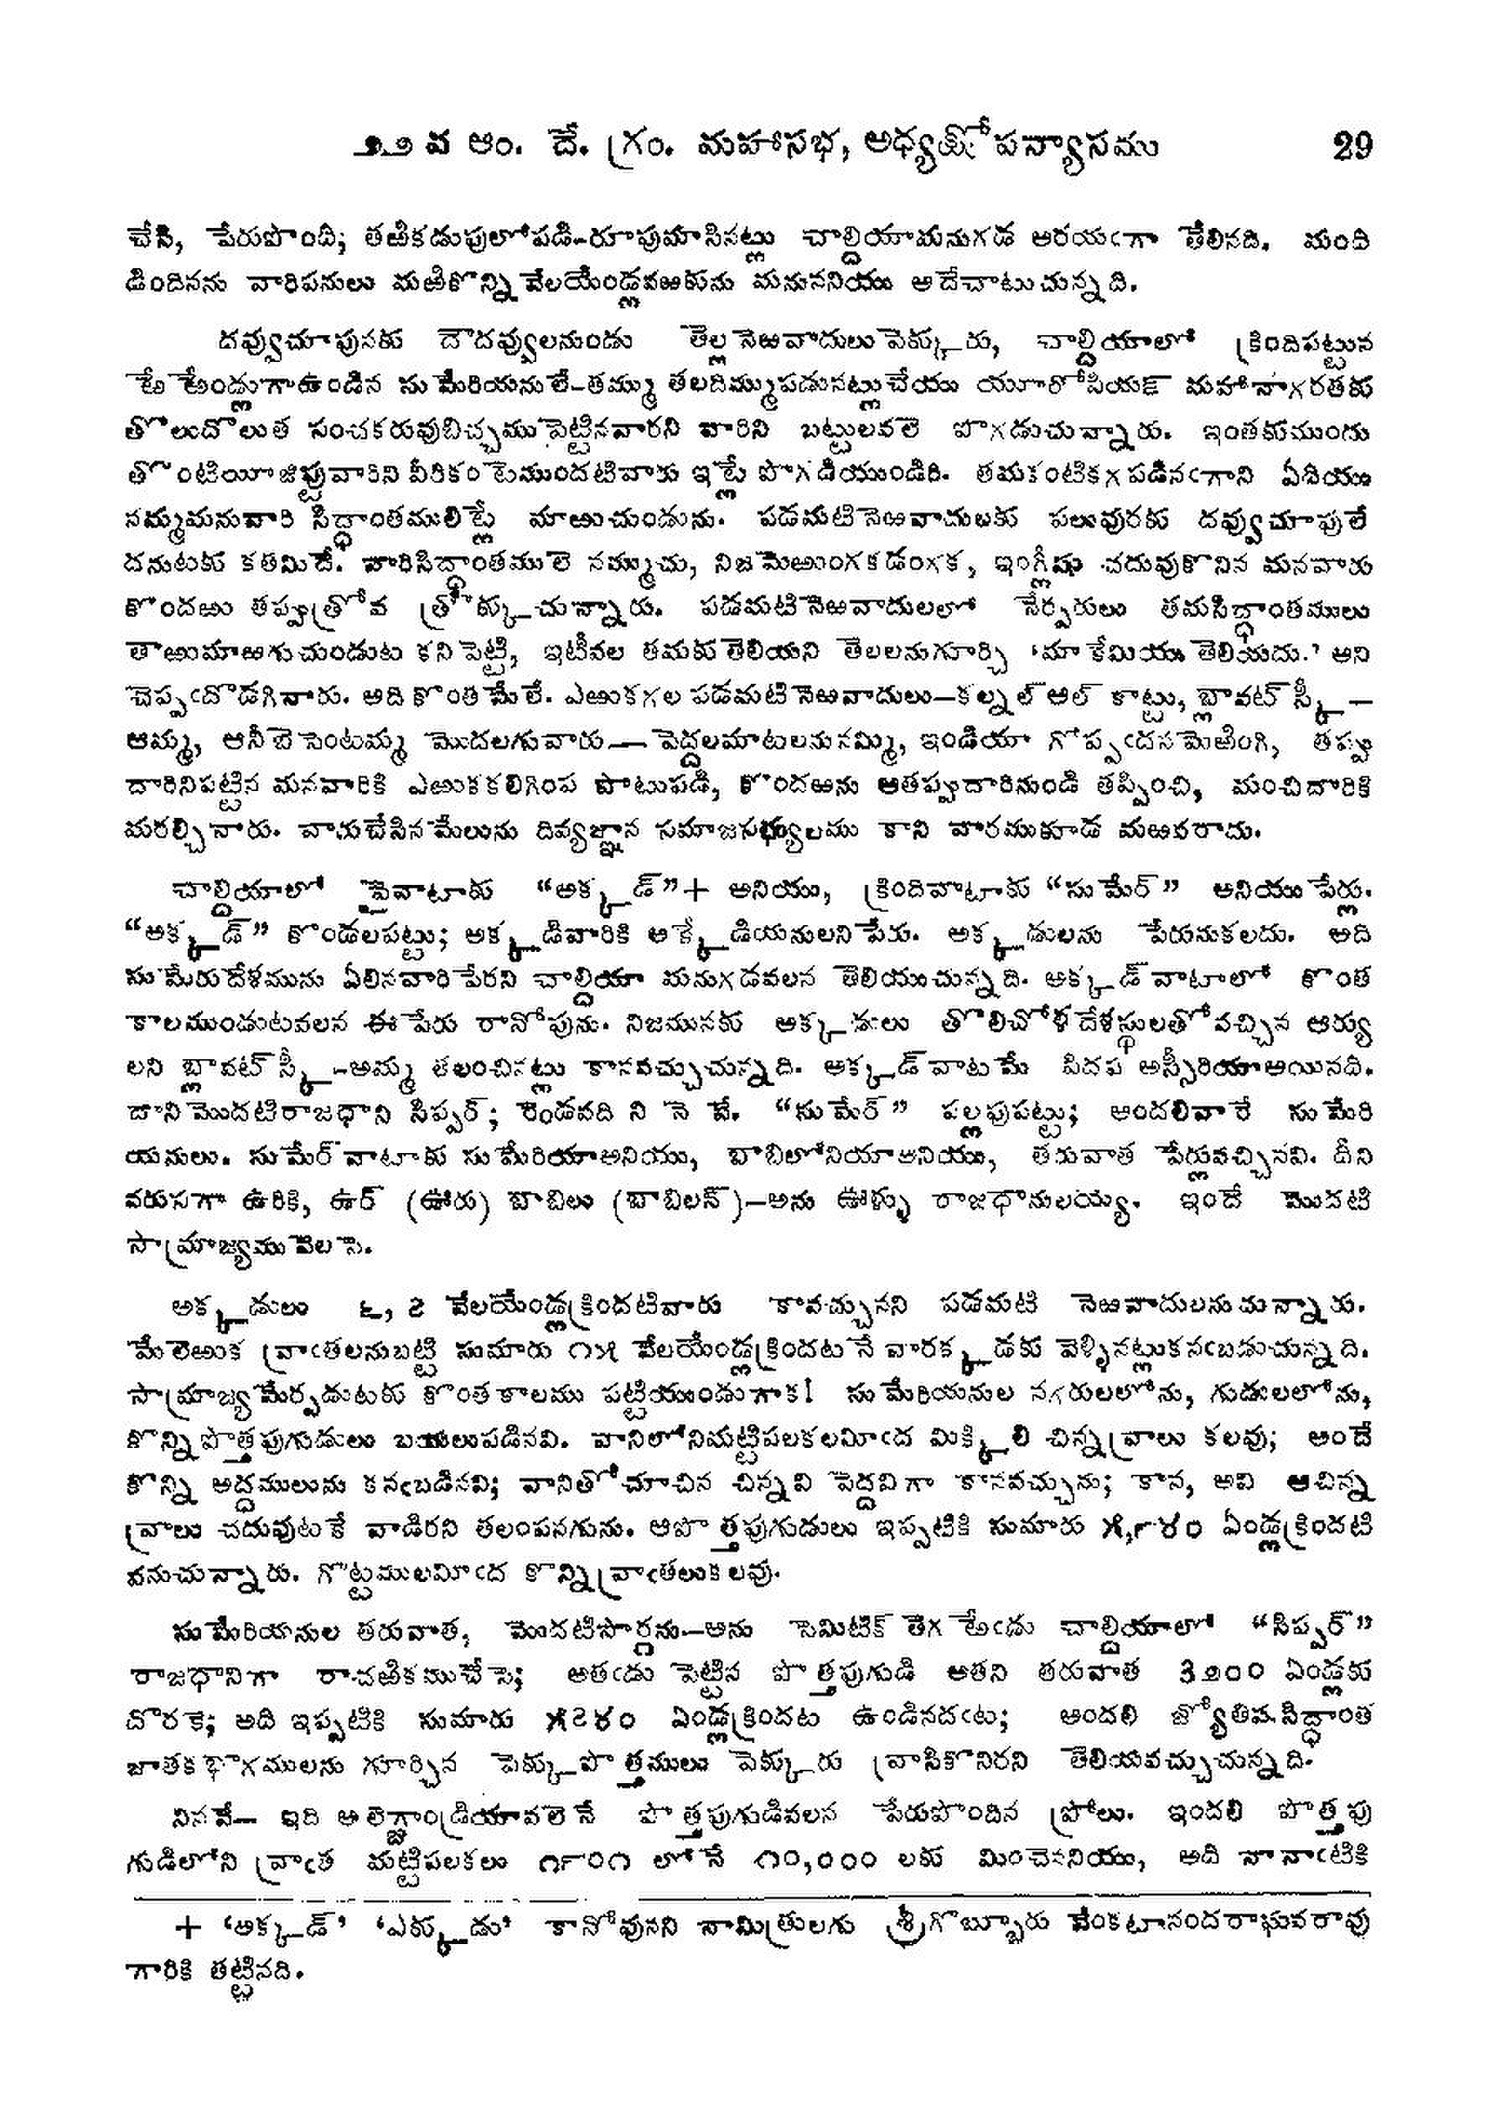చేసి, పేరుపొంది; తఱికడుపులోపడి - రూపుమాసినట్లు చాల్దియామనుగడ అరయఁగా తేలినది. మందిడిందినను వారిపనులు 
మణికొన్ని వేలయేండ్లవఱకును మనుననియు అదేచాటుచున్నది.

దవ్వుచూపునకు దౌదవ్వులనుండు తెల్లనెఱవాదులు పెక్కురు, చాల్దియాలో క్రిందిపట్టున ఱే ఱే౦డ్లుగా ఉండిన 
సుమేరియనులే - తమ్ము తలదిమ్ముపడునట్లుచేయు యూరోపియ౯ మహానాగరతకు తొలుదొలుత సంచకరువుబిచ్చము 
పెట్టినవారని వారిని బట్టులవలె పొగడుచున్నారు. ఇంతకుముందు తొంటిఈజిప్టువారిని వీరికంటెముందటివారు ఇట్లే 
పొగడియుండిరి. తమకంటికగపడినఁ గాని ఏదియు నమ్మమనువారి సిద్ధాంతములిట్లే మాఱుచుండును. పడమటి 
నెఱవాదులకు పలువురకు దవ్వుచూపులేదనుటకు కతమిదే. వారిసిద్ధాంతములె నమ్ముచు, నిజమెఱుంగకడంగక, 
ఇంగ్లీషు చదువుకొనిన మనవారు కొందఱు తప్పుత్రోవ త్రొక్కుచున్నారు. పడమటి నెఱవాదులలో నేర్పరులు 
తమసిద్ధాంతములు తాఱుమాఱగుచుండుట కనిపెట్టి, ఇటీవల తమకు తెలియని తెలలను గూర్చి 'మాకేమియు 
తెలియదు'.అని చెప్పఁదొడగినారు. అది కొంతమేలే. ఎఱుకగల పడమటి నెఱవాదులు - కల్నల్ ఆల్ కాట్టు, 
బ్లావట్ స్కీ - అమ్మ, ఆనీ బై సెంటమ్మ మొదలగు వారు పెద్దల మాటలను నమ్మి, ఇండియా గొప్పఁదన మెఱింగి, 
తప్పు దారినిపట్టిన మనవారికి ఎఱుకకలిగింప పాటుపడి, కొందఱను ఆతప్పుదారినుండి తప్పించి, మంచిదారికి 
మరల్చినారు. వారుచేసిన మేలును దివ్యజ్ఞాన సమాజసభ్యులము కాని వారముకూడ మఱవరాదు.

చాల్దియాలో పైవాటాకు "అక్కడ్" అనియు, క్రిందివాటాకు “సుమేర్ " అనియు పేర్లు. "అక్కడ్" కొండలపట్టు; 
అక్కడివారికి అక్కేడియములని పేరు. అక్కడులను పేరునుకలదు. అది సుమేరు దేశమును ఏలినవారిపేరని చాల్దియా 
మనుగడవలన తెలియుచున్నది. అక్కడ వాటాలో కొంత కాలముండుటవలన ఈ పేరు రానోపును. నిజమునకు అక్కడులు 
తొలిచోళ దేశస్థులతో వచ్చిన ఆర్యులని బ్లావట్ స్కీ-అమ్మ తలంచినట్లు కానవచ్చుచున్నది. అక్కడ వాటమే పిదప 
అస్సీరియా అయినది. దాని మొదటి రాజధాని సిప్పర్; రెండవది ని నె వే. “నుమేర్ ” పల్లపుపట్టు; అందలివారే 
సుమేరియనులు. సుమేర్ వాటాకు సుమేరియా అనియు, బాబిలోనియా అనియు, తరువాత పేర్లువచ్చినవి. దీని
వరుసగా ఉరికి, ఈర్ (ఊరు) బాబిలు (బాబిలన్) అను ఊళ్ళు రాజధానులయ్య, ఇందే మొదటిసామ్రాజ్యము
వేలసె.

అక్కడులు ౬,౭ వేలయేండ్ల క్రిందటివారు కావచ్చునని పడమటి నెఱవాదులను మన్నారు. 'మేలెఱుక వ్రాఁతలనుబట్టి 
సుమారు ౧౫ వేలయేండ్ల క్రిందటనే వారక్కడకు వెళ్ళినట్లు కనఁబడుచున్నది. సామ్రాజ్య మేర్పడుటకు కొంతకాలము 
పట్టియుండుగాక! సుమేరియనుల నగరులలోను, గుడులలోను, కొన్ని పొత్తపుగుడులు బయలుపడినవి. వానిలోని
మట్టిపలకలమీఁద మిక్కిలి చిన్న వ్రాలు కలవు; అంటే కొన్ని అద్దములును కనఁబడినవి; వానితో చూచిన చిన్నవి 
పెద్దవిగా కానవచ్చును; కానీ, అవి ఆచిన్నవ్రాలు చదువుటకే వాడిరని తలంపనగును. ఆపొత్తపుగుడులు ఇప్పటికీ 
సుమారు ౫౯౪౦, ఏండ్లక్రిందటి ననుచున్నారు. గొట్టములమీఁద కొన్ని వ్రాఁతలు కలవు. 

సుమేరియనుల తరువాత, మొదటిసార్లను అను సెమిటిక్ తెగ ఱెఁడు చాల్దియాలో "సిప్పర్" రాజధానిగా రాచఱికముచేసె;
అతఁడు పెట్టిన పొత్తపుగుడి అతని తరువాత 3౨౦౦ ఏండ్లకుదొరకే; అది ఇప్పటికి సుమారు ౫౯౪౦ ఏండ్ల క్రిందట 
ఉండినదఁట; అందలి జ్యోతిష సిద్ధాంతజాతక భాగములను గూర్చిన పెక్కు పొత్తములు పెక్కురు వ్రాసికొనిరని 
తెలియవచ్చుచున్నది. 

నినవే – ఇది ఆలెగ్జాండ్రియావలెనే పొత్తపుగుడివలన పేరుపొందిన ప్రోలు. ఇందలి పొత్తపుగుడిలోని వ్రాత మట్టిపలకలు ౧౯ం౧ లోనే ౧౦,౦౦౦ లకు మించెననియు, అది నానాఁటికి